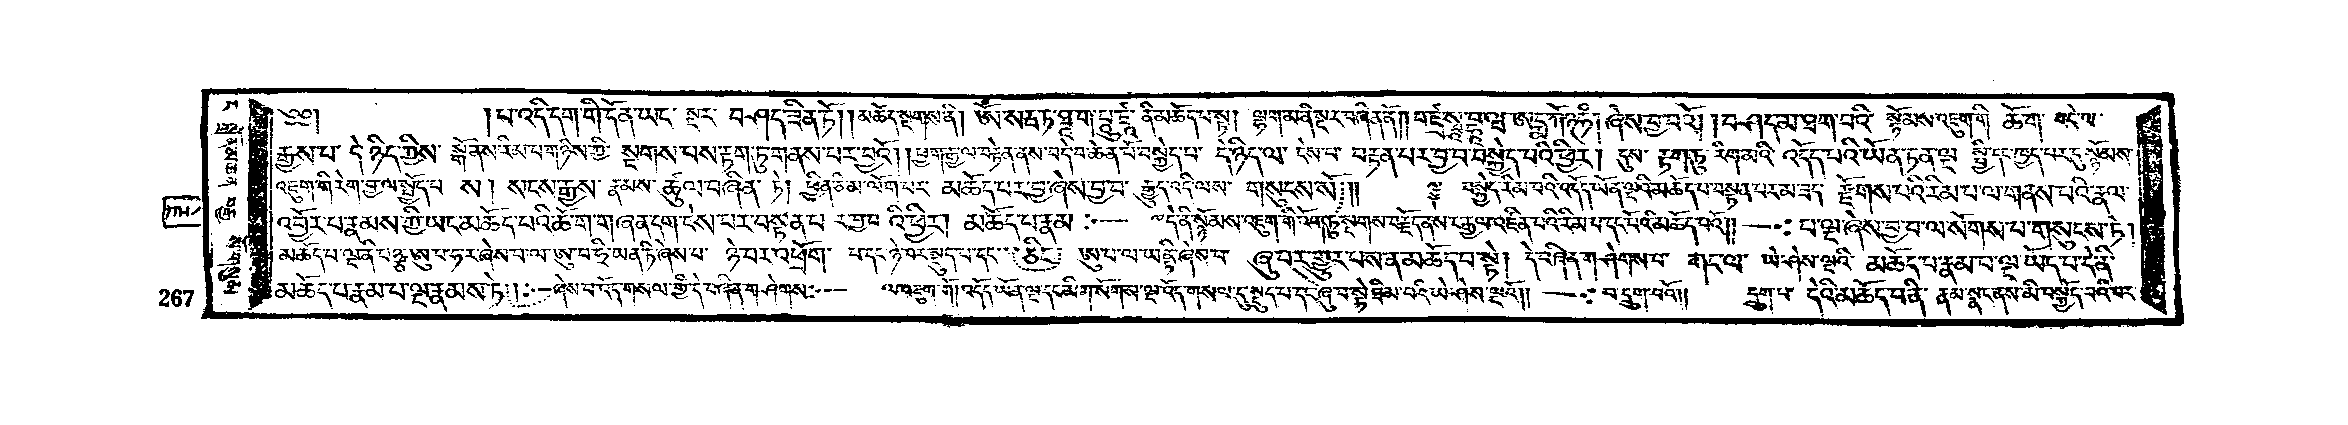༄༅། །པ་འདི་དག་གི་དོན་ཡང་སྔར་བཤད་ཟིན་ཏོ། ། མཆོད་སྔགས་ནི། ཨོཾ་སརྦ་ཏ་ཐཱ་ག་པཱུ་ཛཱ་ནི་མཆོད་པ་སྟེ། ལྷག་མ་ནི་སྔར་བཞིན་ནོ། །བཛྲ་སྭཱ་བྷཱ་ཝ་ཨདམ་ཀོཉ་ཧཾ། ཞེས་བྱ་བའོ། །བཤད་མ་ཐག་པའི་སྙོམས་འཇུག་གི་ཆོ་ག་བདེ་བ
རྒྱས་པ་དེ་ཉིད་ཀྱིས་སྒོ་ནས་རིམ་པ་གཉིས་ཀྱི་སྔགས་པས་རྟག་ཏུ་གནས་པར་བྱའོ། ། ཕྱག་རྒྱ་ལ་བརྟེན་ནས་བདེ་བ་ཆེན་པོ་བསྐྱེད་པ་དེ་ཉིད་ལ་ངེས་པ་བརྟན་པར་བྱ་བ་བསྐྱེད་པའི་ཕྱིར། དུས་རྟག་ཏུ་རིག་མའི་འདོད་པའི་ཡོན་ཏན་ལྔ་སྤྱི་དང་ཁྱད་པར་དུ་སྙོམས་
འཇུག་གི་རེག་བྱ་ལ་སྤྱོད་པས། སངས་རྒྱས་རྣམས་ཚུལ་བཞིན་ཏེ། ཕྱིན་ཅི་མ་ལོག་པར་མཆོད་པར་བྱ་ཞེས་བྱ་བ་རྒྱུད་འདི་ལས་གསུངས་སོ།། ༈ བསྐྱེད་རིམ་པའི་འདོད་ཡོན་ལྔའི་མཆོད་པ་བསྟན་པར་མ་ཟད་རྫོགས་པའི་རིམ་པ་ལ་གནས་པའི་རྣལ་
འབྱོར་པ་རྣམས་ཀྱི་ཡང་མཆོད་པའི་ཆོ་ག་གཞན་དག་ངེས་པར་བསྟན་པར་བྱ་བའི་ཕྱིར། མཆོད་པ་རྣམ་H.་༧དེ་ནི་སྙོམས་འཇུག་གི་འོག་ཏུ་སྔགས་བརྗོད་ནས་ང་རྒྱལ་འཛིན་པའི་རིམ་པ་དང་པོའི་མཆོད་པའོ།། .H པ་ལྔ་ཞེས་བྱ་བ་ལ་སོགས་པ་གསུངས་ཏེ།
མཆོད་པ་ལྔ་ནི་པཉྩ་ཨུ་པ་ཧ་ར་ཞེས་པ་ལ་ཨུ་པ་ཧྲི་ཡན་ཏི་ཞེས་པ་ཉེ་བར་འཕྲོག་པ་དང་ཉེ་བར་སྡུད་པ་དང་ཅིང་ཨུ་པ་ལ་ཡནྟི་ཞེས་པ་ཞུ་བར་གྱུར་པས་ན་མཆོད་པ་སྟེ། དེ་བཞིན་གཤེགས་པ་གང་ལ་ཡེ་ཤེས་ལྔའི་མཆོད་པ་རྣམ་པ་ལྔ་ཡོད་པ་དེ་ནི
མཆོད་པ་རྣམ་པ་ལྔ་རྣམས་ཏེ། H.་ཞེས་པ་འོད་གསལ་གྱི་དེ་བཞིན་གཤེགས་H.་༧ལ་འཇུག་གོ །འདོད་ཡོན་ལྔ་དང་མིག་སོགས་ལྔ་འོད་གསལ་དུ་སྡུད་པ་དང་ཞུ་བ་སྟེ་ཐིམ་པའི་ཡེ་ཤེས་ལྔའོ།། .H པ་དྲུག་པའོ།། དྲུག་པ་དེའི་མཆོད་པ་ནི་རྣམ་སྣང་ནས་མི་བསྐྱོད་པའི་བར་